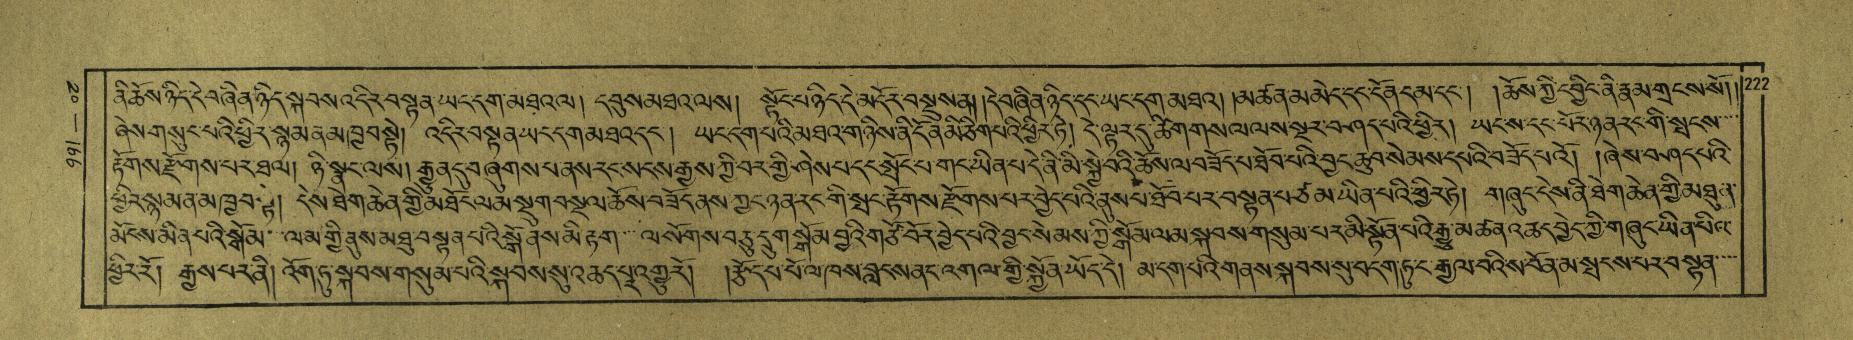ནི་ཆོས་ཉིད་དེ་བཞིན་ཉིད་སྐབས་འདིར་བསྟན་ཡང་དག་མཐའ་ལ། དབུས་མཐའ་ལས། སྟོང་པ་ཉིད་དེ་མདོར་བསྡུས་ན། །དེ་བཞིན་ཉིད་དང་ཡང་དག་མཐའ། །མཚན་མ་མེད་དང་དོན་དམ་དང་། །ཆོས་ཀྱི་དབྱིང་ནི་རྣམ་གྲངས་སོ། །
ཞེས་གསུངས་པའི་ཕྱིར་སྙམ་ན་མ་ཁྱབ་སྟེ། འདིར་བསྟན་ཡང་དག་མཐའ་དང་། ཡང་དག་པའི་མཐའ་གཉིས་ནི་དོན་མི་ཅིག་པའི་ཕྱིར་ཏེ། དེ་ལྟར་དུ་ཚིག་གསལ་ལས་སྔར་བཤད་པའི་ཕྱིར། ཡང་ས་དང་པོར་ཉན་རང་གི་སྤངས་
རྟོགས་རྫོགས་པར་ཐལ། ཉི་སྣང་ལས། རྒྱུན་དུ་བཞུགས་པ་ནས་རང་སངས་རྒྱས་ཀྱི་བར་གྱི་ཤེས་པ་དང་སྤོང་བ་གང་ཡིན་པ་དེ་ནི་མི་སྐྱེ་བའི་ཆོས་ལ་བཟོད་པ་ཐོབ་པའི་བྱང་ཆུབ་སེམས་དཔའི་བཟོད་པའོ། །ཞེས་བཤད་པའི་
ཕྱིར་སྙམ་ན་མ་ཁྱབ་སྟེ། དེས་ཐེག་ཆེན་གྱི་མཐོང་ལམ་སྡུག་བསྔལ་ཆོས་བཟོད་ནས་ཀྱང་ཉན་རང་གི་སྤང་རྟོགས་རྫོགས་པར་བྱེད་པའི་ནུས་པ་ཐོབ་པར་བསྟན་པ་ཙམ་ཡིན་པའི་ཕྱིར་ཏེ། གཞུང་དེས་ནི་ཐེག་ཆེན་གྱི་མཐུན་
མོངས་མིན་པའི་སྒོམ་ལམ་གྱི་ནུས་མཐུ་བསྟན་པའི་སྒོ་ནས་མི་རྟག་ལ་སོགས་བཅུ་དྲུག་སྒོམ་བྱའི་གཙོ་བོར་བྱེད་པའི་བྱང་སེམས་ཀྱི་སྒོམ་ལམ་སྐབས་གསུམ་པར་མི་སྟོན་པའི་རྒྱུ་མཚན་འཆད་བྱེད་ཀྱི་གཞུང་ཡིན་པའི་
ཕྱིར་རོ། །རྒྱས་པར་ནི། འོག་ཏུ་སྐབས་གསུམ་པའི་སྐབས་སུ་འཆད་པར་འགྱུརོ། །རྩོད་པ་པོ་ལ་ཁས་བླངས་ནང་འགལ་གྱི་སྐྱོན་ཡོད་དེ། མ་དག་པའི་གནས་སྐབས་སུ་བདག་ཏུ་ང་རྒྱལ་བའི་ས་བོན་མ་སྤངས་པར་བསྟན་